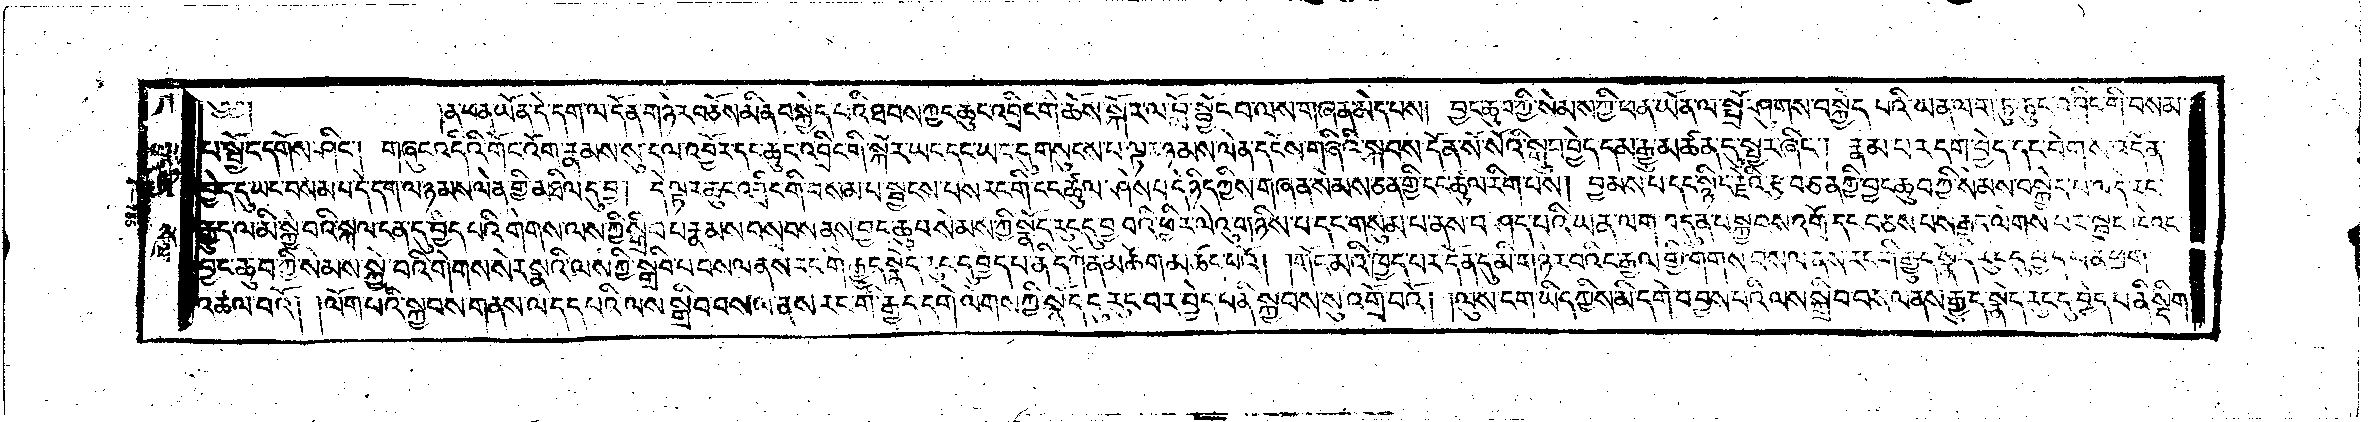༄༅། །ན་ཕན་ཡོན་དེ་དག་ལ་དོན་གཉེར་བཅོས་མིན་བསྐྱེད་པའི་ཐབས་ཀྱང་ཆུང་འབྲིང་གི་ཆོས་སྐོར་ལ་བློ་སྦྱོང་བ་ལས་གཞན་མེད་པས། བྱང་ཆུབ་ཀྱི་སེམས་ཀྱི་ཕན་ཡོན་ལ་སྤྲོ་ཤུགས་བསྐྱེད་པའི་ཡན་ལག་ཏུ་ཏུང་འབྲིང་གི་བསམ་
པ་སྦྱོང་དགོས་ཤིང་། གཞུང་འདིའི་གོང་འོག་རྣམས་སུ་དལ་འབྱོར་དང་ཆུང་འབྲིང་གི་སྐོར་ཡང་དང་ཡང་དུ་གསུངས་པ་ལྟར་ཉམས་ལེན་དངོས་གཞིའི་སྐབས་དོན་སོ་སོའི་སྒྲུབ་བྱེད་དམ་རྒྱུ་མཚན་དུ་སྤྱར་ཞིང་། རྣམ་པར་དག་བྱེད་དང་བེགས་འདོན་
བྱེད་དུ་ཡང་བསམ་པ་དེ་དག་ལ་ཉམས་ལེན་གྱི་མཐིལ་དུ་བྱ། དེ་ལྟར་ཆུང་འབྲིང་གི་བསམ་པ་སྦྱངས་པས་རང་གི་ངང་ཚུལ་ཤེས་བདེ་ཉིད་ཀྱིས་གཞན་སེམས་ཅན་གྱི་ངང་ཚུལ་རིག་པས། བྱམས་པ་དང་སྙིང་རྗེའི་རྩ་བཅན་གྱི་བྱང་ཆུབ་ཀྱི་སེམས་བསྐྱེད་པ་ལ་དེ་རང་
རྒྱུད་ལ་མི་སྐྱེ་བའི་སྐལ་ངན་དུ་བྱེད་པའི་གེགས་ལས་ཀྱི་སྒྲིབ་པ་རྣམས་བསྲབས་ནས་བྱང་ཆུབ་སེམས་ཀྱི་སྣོད་རུང་དུ་བྱ་བའི་ཕྱིར་ལེའུ་གཉིས་པ་དང་གསུམ་པ་ནས་བཤད་པའི་ཡན་ལག་འདུན་པ་སྐྱབས་འགྲོ་དང་བཅས་པས་རྒྱུད་ལེགས་པར་སྦྱང་ཁེའང་
བྱང་ཆུབ་ཀྱི་སེམས་སྐྱེ་བའི་གེགས་སེར་སྣའི་ལས་ཀྱི་སྒྲིབ་པ་བསལ་ནས་རང་གི་རྒྱུད་སྣོད་རུང་དུ་བྱེད་པ་ནི་དཀོན་མཆོག་མཆོད་པའོ། །གོང་མའི་ཁྱད་པར་དོན་དུ་མི་གཉེར་བའི་ང་རྒྱལ་གྱི་གེགས་བསལ་ནས་རང་གི་རྒྱུད་སྣོད་རུང་དུ་བྱེད་བ་ནི་ཕྱག་
འཚལ་བའོ། །ལོག་པའི་སྐྱབས་གནས་ལ་དད་པའི་ལས་སྒྲིབ་བསལ་ནས་རང་གི་རྒྱད་དགེ་ལེགས་ཀྱི་སྣོད་དུ་རུང་བར་བྱེད་པ་ནི་སྐྱབས་སུ་འགྲོ་བའོ། །ལུས་ངག་ཡིད་ཀྱིས་མི་དགེ་བ་བྱས་པའི་ལས་སྒྲིབ་བསལ་ནས་རྒྱུད་སྣོད་རུང་དུ་བྱེད་པ་ནི་སྡིག་